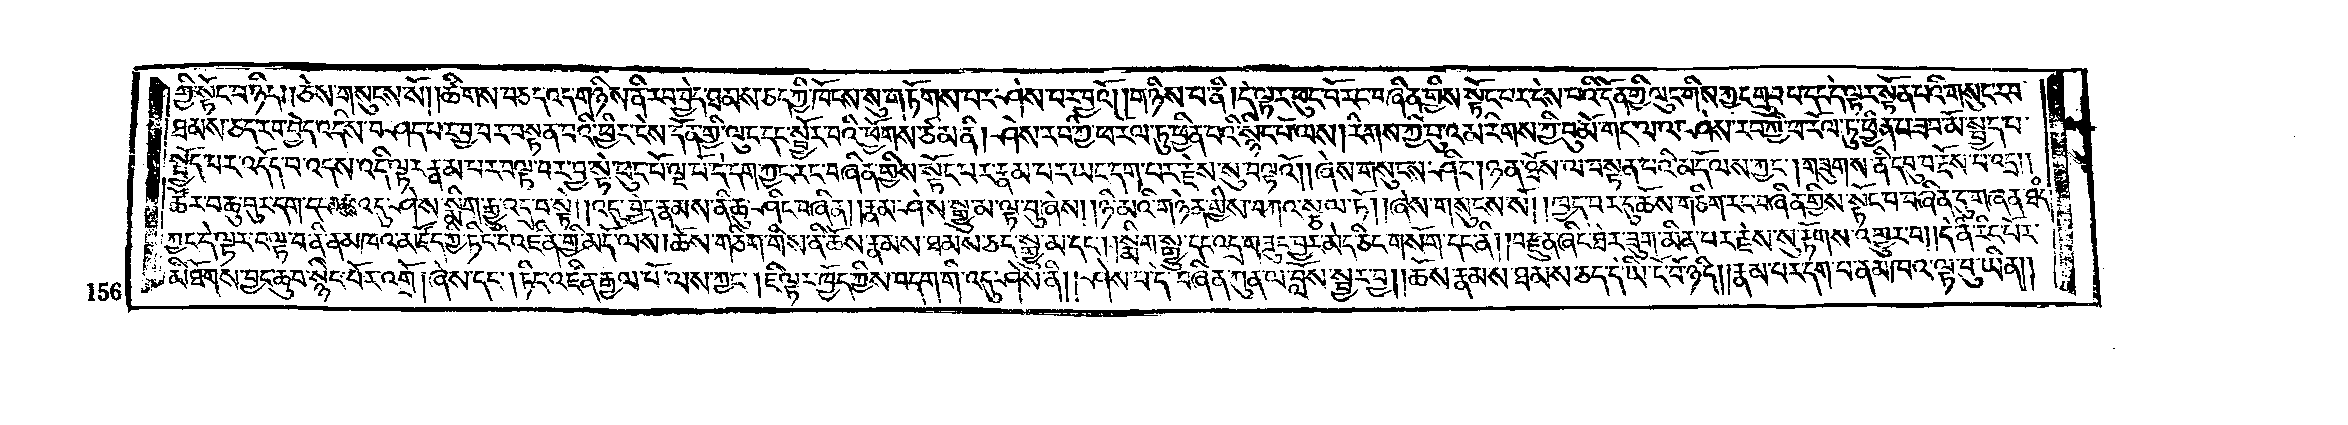གྱི་སྟོང་པ་ཉིད། །ཅེས་གསུངས་སོ། །ཚིགས་བཅད་འད་གཉིས་ནི་རབ་བྱེད་ཐམས་ཅད་ཀྱི་ཁོངས་སུ་གཏོགས་པར་ཤེས་པར་བྱའོ། །གཉིས་པ་ནི། དེ་ལྟར་ཕུང་བོ་རང་བཞིན་གྱིས་སྟོང་པར་ངེས་པའི་དོན་གྱི་ལུང་གིས་ཀྱང་གྲུབ་པ་དང་དེ་ལྟར་སྟོན་པའི་གསུང་རབ་
ཐམས་ཅད་རབ་བྱེད་འདིས་བཤད་པར་བྱ་བར་བསྟན་པའི་ཕྱིར་ངེས་དོན་གྱི་ལུང་དང་སྦྱོར་བའི་ཕྱོགས་ཙམ་ནི། ཤེས་རབ་ཀྱི་ཕ་རོལ་ཏུ་ཕྱིན་པའི་སྙིང་པོ་ལས། རིགས་ཀྱི་བུ་འམ་རིགས་ཀྱི་བུ་མོ་གང་ལ་ལ་ཤེས་རབ་ཀྱི་ཕ་རོལ་ཏུ་ཕྱིན་པ་ཟབ་མོ་སྤྱད་པ་
སྤྱོད་པར་འདོད་པ་འདས་འདི་ལྟར་རྣམ་པར་བལྟ་བར་བྱ་སྟེ་ཕུང་པོ་ལྔ་པོ་དེ་དག་ཀྱང་རང་བཞི་གྱིས་ཚོང་པར་རྣམ་པར་ཡང་དག་པར་རྗེས་སུ་བལྟའོ། །ཞེས་གསུངས་ཤིང་། ཉན་ཐོས་ལ་བསྟན་པའི་མདོ་ལས་ཀྱང་། གཟུགས་ནི་དབུ་བ་རྔོས་པ་འདྲ། །
ཚོར་བ་ཆུ་བུར་དག་དང་མཚམས་འདུ་ཤེས་སྨིག་རྒྱུ་འདྲ་བ་སྟེ། །འདུ་བྱེད་རྣམས་ནི་ཆུ་ཤིང་བཞིན། །རྣམ་ཤེས་སྒྱུ་མ་ལྟ་བུ་ཞེས། །ཉི་མའི་གཉེན་གྱིས་བཀའ་སྩལ་ཏོ། །ཞེས་གསུངས་སོ། །ཁྱད་པར་དུ་ཆོས་གཅིག་རང་བཞིན་གྱིས་སྟོང་པ་བཞིན་དུ་གཞན་ཐཾད་
ཀྱང་དེ་ལྟར་བལྟ་བ་ནི་ནམཁའ་མཛོད་ཀྱི་ཏིང་ངེ་འཛིན་གྱི་མདོ་ལས། ཆོས་གཅིག་གིས་ནི་ཆོས་རྣམ་ཐམས་ཅད་སྒྱུ་མ་དང་། །སྨིག་སྒྱུ་དང་འདྲ་གཟུང་བྱད་མེད་ཅིང་གསོག་དང་ནི། །བརྫུན་ཞིང་ཐེར་ཟུག་མིན་པར་རྗེས་སུ་རྟོགས་འགྱུར་བ། །དེ་ནི་རིང་པོར་
མི?་ཐོགས་བྱང་ཆུབ་སྙིང་པོར་འགྲོ། ཞེས་དང་། ཏིང་འཛིན་རྒྱལ་པོ་ལས་ཀྱང་། ཇི་ལྟར་ཁྱོད་ཀྱིས་བདག་གི་འདུ་ཤེས་ནི། །ཤེས་པ་དེ་བཞིན་ཀུན་ལ་བློས་སྤྱར་བྱ། །ཆོས་རྣམས་ཐམས་ཅད་དེ་ཡི་ངོ་བོ་ཉིད། །རྣམ་པར་དག་པ་ནམཁའ་ལྟ་བུ་ཡིན།།